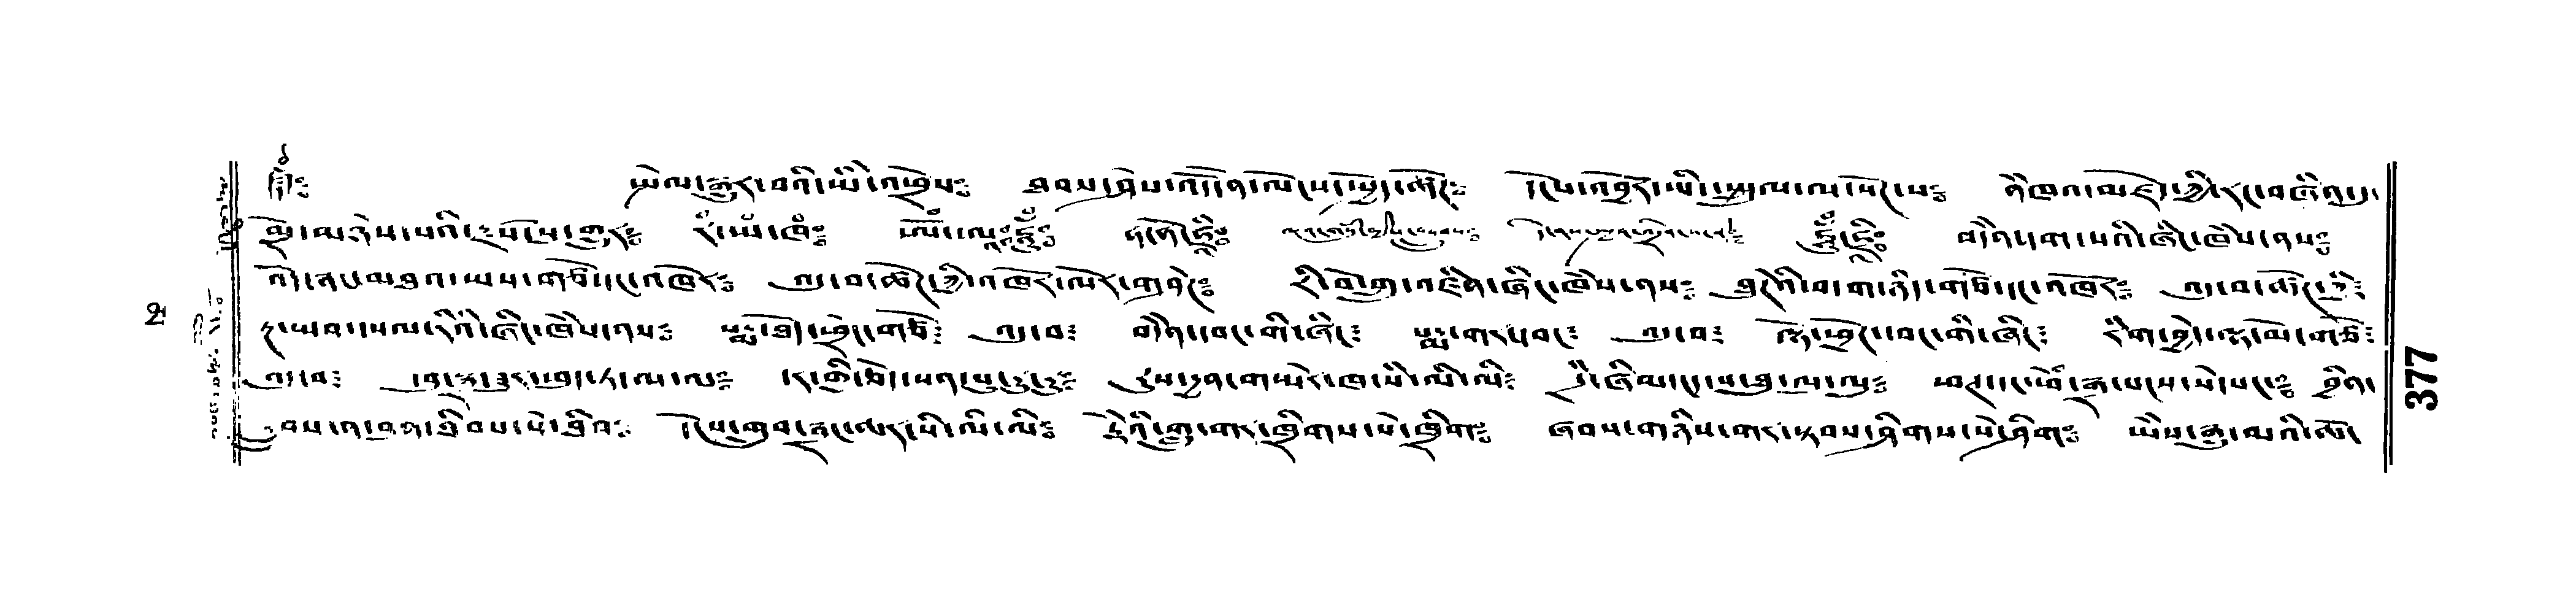སྤེལ་སྒྱུར་བའི་ཡེ་ཤེས་འཕྲོས༔ ཐབས་ཤེས་འདོད་ཡོན་ལོངས་སྤྱོད་ཚོགས༔དངོས་འབྱོར་ཡིད་སྤྲུལ་ལ་སོགས་པ༔ ནམ་མཁའ་མཛོད་ཀྱི་རང་བཞིན་དུ་
མཁའ་འགྲོ་མཉེས་པའི་རྫས་སུ་གྱུར༔ རྃ་ཡྃ་ཁྃ༔ ཨོཾ་ཨཱཿཧཱུྃ༔ ཧ་ཧོ་ཧྲཱིཿ ལན་གསུམ་གྱིས་བརླབས༔ དེ་ནས་སྤྱན་འདྲེན་པ་ནི༔ ཧཱུྃ་ཧྲཱིཿ བདེ་ཆེན་དག་པའི་ཞིང་ཁམས་ནས༔ 
འོད་སྣང་མཐའ་ཡས་གཙོ་དང་འཁོར༔ འདུ་བ་ཚོགས་ཀྱི་འཁོར་ལོར་གཤེགས༔ རི་བོ་གྲུ་འཛིན་ཞིང་ཁམས་ནས༔ ཐུགས་རྗེའི་བདག་ཉིད་གཙོ་དང་འཁོར༔ འདུ་བ་ཚོགས་ཀྱི༴ 
རྔ་ཡབ་དཔལ་རིའི་ཞིང་ཁམས་ནས༔ པདྨ་ཐོད་ཕྲེང་གཙོ༴ འདུ་བ༴ བདེ་ཆེན་དབང་གི་ཞིང༴ པདྨ་གར་དབང༴ འདུ་བ༴ ལྷོ་ཕྱོགས་དབང་གི་ཞིང༴ རིག་བྱེད་ལྷ་མོ་གཙོ༴ 
འདུ་བ༴ དབུ་སྐྲ་ཟུར་ཕུད་ཏ་ལ་ལ༔ དར་གྱི་ཅོད་པན་པུ་རུ་རུ༔ རུས་རྒྱན་གཡེར་ཁ་སི་ལི་ལི༔ དྲི་ཞིམ་ངད་པ་ཐུ་ལུ་ལུ༔ ཕཊ་དང་ཕེཾ་སྒྲ་སངས་སེ་སང༔ བྱིན་
རླབས་ན་བུན་ཐིབས་སེ་ཐིབ༔ དངོས་གྲུབ་སྦྲང་ཆར་སི་ལི་ལི༔ རྡོ་རྗེའི་གླུ་གར་ཁྲིགས་སེ་ཁྲིག༔ ཞབས་གཉིས་གར་སྟབས་ཤིགས་སེ་ཤིག༔ ཡེ་ཤེས་སྒྱུ་མའི་ཆོ་